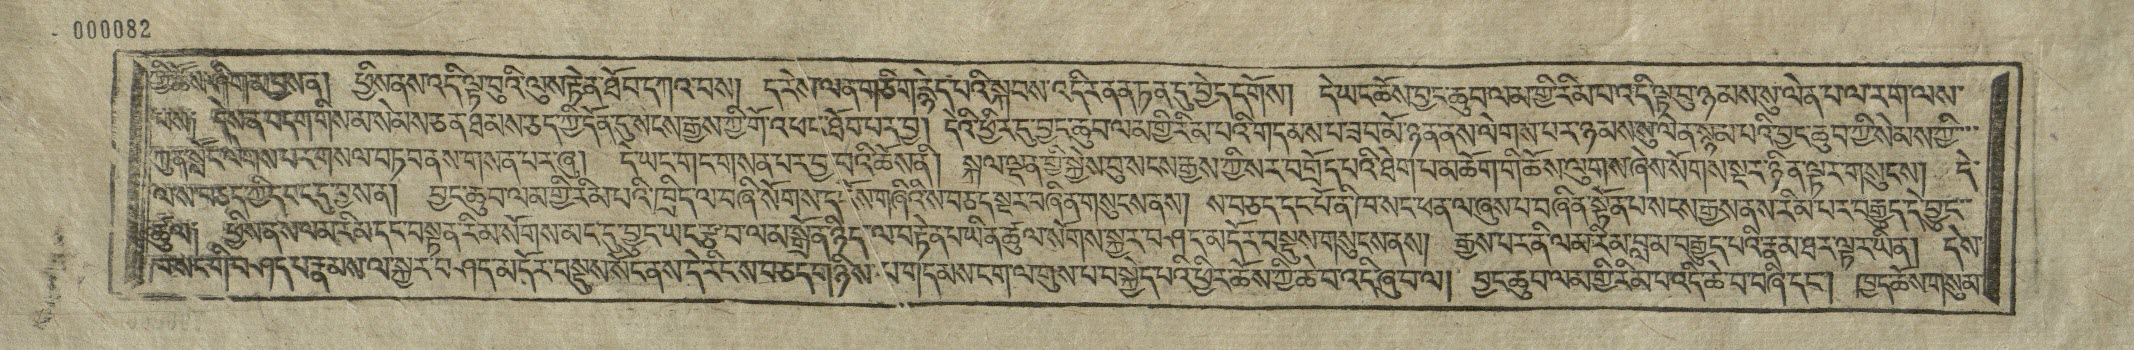ཀྱི་ཆོས་ཤིག་མ་བྱས་ན། ཕྱིས་ནས་འདི་ལྟ་བུའི་ལུས་རྟེན་ཐོབ་དཀའ་བས། ད་རེས་ལན་གཅིག་རྙེད་པའི་སྐབས་འདིར་ནན་ཏན་དུ་བྱེད་དགོས། དེ་ཡང་ཆོས་བྱང་ཆུབ་ལམ་གྱི་རིམ་པ་འདི་ལྟ་བུ་ཉམས་སུ་ལེན་པ་ལ་རག་ལས་
པས༑ དེས་ན་བདག་གིས་མ་སེམས་ཅན་ཐམས་ཅད་ཀྱི་དོན་དུ་སངས་རྒྱས་ཀྱི་གོ་འཕང་ཐོབ་པར་བྱ། དེའི་ཕྱིར་དུ་བྱང་ཆུབ་ལམ་གྱི་རིམ་པའི་གདམས་པ་ཟབ་མོ་ཉན་ནས་ལེགས་པར་ཉམས་སུ་ལེན་སྙམ་པའི་བྱང་ཆུབ་ཀྱི་སེམས་ཀྱི་
ཀུན་སློང་ལེགས་པར་གསལ་བཏབ་ནས་གསན་པར་ཞུ། དེ་ཡང་གང་གསན་པར་བྱ་བའི་ཆོས་ནི། སྐལ་ལྡན་གྱི་སྐྱེས་བུ་སངས་རྒྱས་ཀྱི་སར་བགྲོད་པའི་ཐེག་པ་མཆོག་གི་ཆོས་ལུགས་ཞེས་སོགས་སྔར་ཉིན་ལྟར་གསུངས། དེ་
ལ་ས་བཅད་ཀྱི་དབང་དུ་བྱས་ན། བྱང་ཆུབ་ལམ་གྱི་རིམ་པའི་ཁྲིད་ལ་བཞི་སོགས་དངོས་གཞིའི་ས་བཅད་སྔར་བཞིན་གསུངས་ནས། ས་བཅད་དང་པོ་ནི་ཁ་སང་ཕན་ལ་ཞུས་པ་བཞིན་སྟོན་པ་སངས་རྒྱས་ནས་རིམ་པར་བརྒྱུད་དེ་བྱུང་
ཚུལ༑ ཕྱིས་ནས་ལམ་རིམ་དང་བསྟན་རིམ་སོགས་མང་དུ་བྱུང་ཡང་རྩ་བ་ལམ་སྒྲོན་ཉིད་ལ་བརྟེན་པ་ཡིན་ཚུལ་སོགས་སྐྱར་བཤད་མདོར་བསྡུས་གསུངས་ནས། རྒྱས་པར་ནི་ལམ་རིམ་བླ་མ་བརྒྱུད་པའི་རྣམ་ཐར་ལྟར་ཡིན། དེས་
ཁ་སང་གི་བཤད་པ་རྣམས་ལ་སྐྱར་བཤད་མདོར་བསྡུས་སོང་ནས་དེ་རིང་ས་བཅད་གཉིས་པ་གདམས་ངག་ལ་གུས་པ་བསྐྱེད་པའི་ཕྱིར་ཆོས་ཀྱི་ཆེ་བ་འདི་ཞུ་བ་ལ། བྱང་ཆུབ་ལམ་གྱི་རིམ་པ་འདི་ཆེ་བ་བཞི་དང་། ཁྱད་ཆོས་གསུམ་